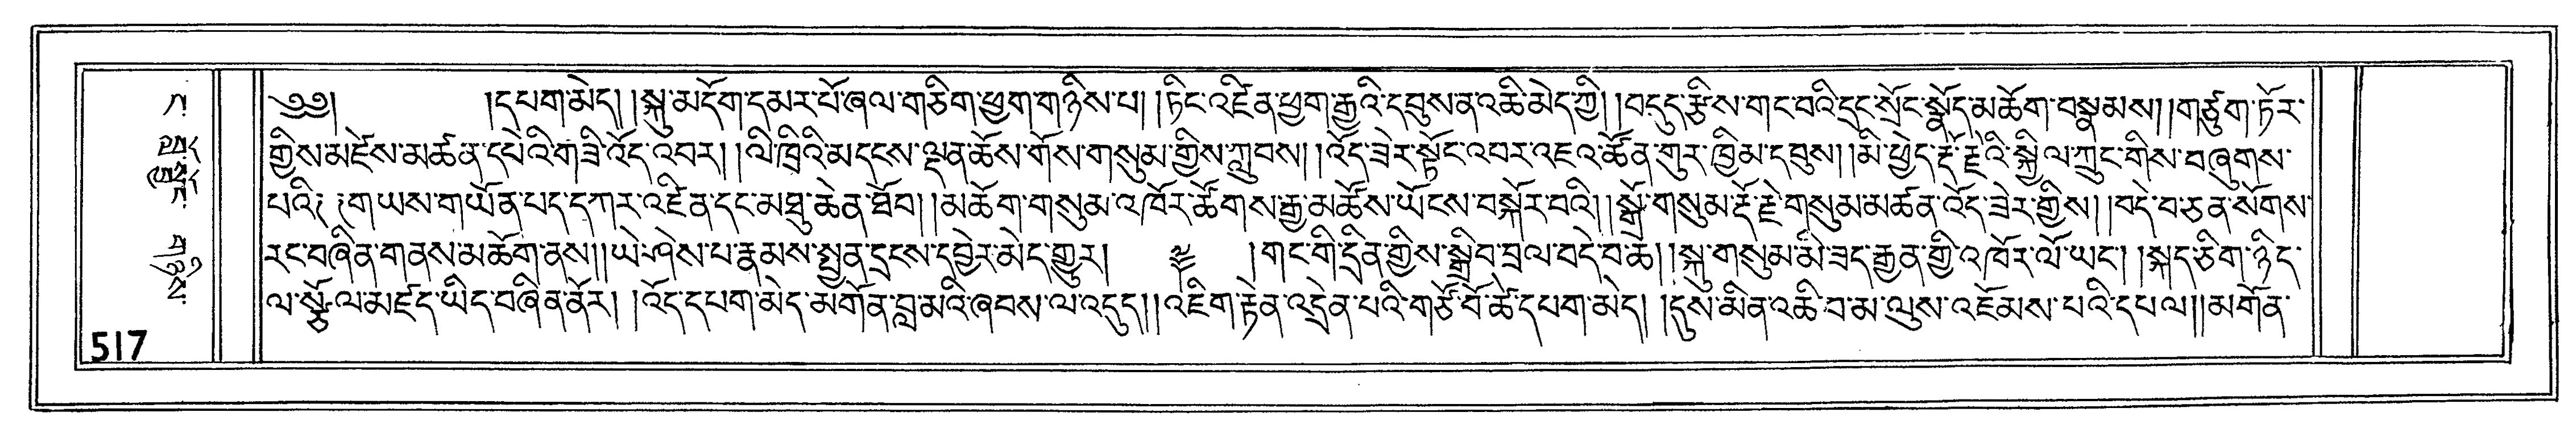༄༅། །དཔག་མེད། །སྐུ་མདོག་དམར་པོ་ཞལ་གཅིག་ཕྱག་གཉིས་པ། །ཏིང་འཛིན་ཕྱག་རྒྱའི་དབུས་ན་འཆི་མེད་ཀྱི། །བདུད་རྩིས་གང་བའི་དྲང་སྲོང་སྣོད་མཆོག་བསྣམས། །གཙུག་ཏོར་
གྱིས་མཛེས་མཚན་དཔེའི་གཟི་འོད་འབར། །ལི་ཁྲིའི་མདངས་ལྡན་ཆོས་གོས་གསུམ་གྱིས་ཀླུབས། །འོད་ཟེར་སྟོང་འབར་འཇའ་ཚོན་གུར་ཁྱིམ་དབུས། །མི་ཕྱེད་རྡོ་རྗེའི་སྐྱིལ་ཀྲུང་གིས་བཞུགས་
པའི༑ ༑གཡས་གཡོན་པད་དཀར་འཛིན་དང་མཐུ་ཆེན་ཐོབ། །མཆོག་གསུམ་འཁོར་ཚོགས་རྒྱ་མཚོས་ཡོངས་བསྐོར་བའི། །སྒོ་གསུམ་རྡོ་རྗེ་གསུམ་མཚན་འོད་ཟེར་གྱིས། །བདེ་བ་ཅན་སོགས་
རང་བཞིན་གནས་མཆོག་ནས། །ཡེ་ཤེས་པ་རྣམས་སྤྱན་དྲངས་དབྱེར་མེད་གྱུར། ༈ །གང་གི་དྲིན་གྱིས་སྒྲིབ་བྲལ་བདེ་བ་ཆེ། །སྐུ་གསུམ་མི་ཟད་རྒྱན་གྱི་འཁོར་ལོ་ཡང་། །སྐད་ཅིག་ཉིད་
ལ་སྩོལ་མཛད་ཡིད་བཞིན་ནོར། །འོད་དཔག་མེད་མགོན་བླ་མའི་ཞབས་ལ་འདུད། །འཇིག་རྟེན་འདྲེན་པའི་གཙོ་བོ་ཚེ་དཔག་མེད། །དུས་མིན་འཆི་བ་མ་ལུས་འཇོམས་པའི་དཔལ། །མགོན་